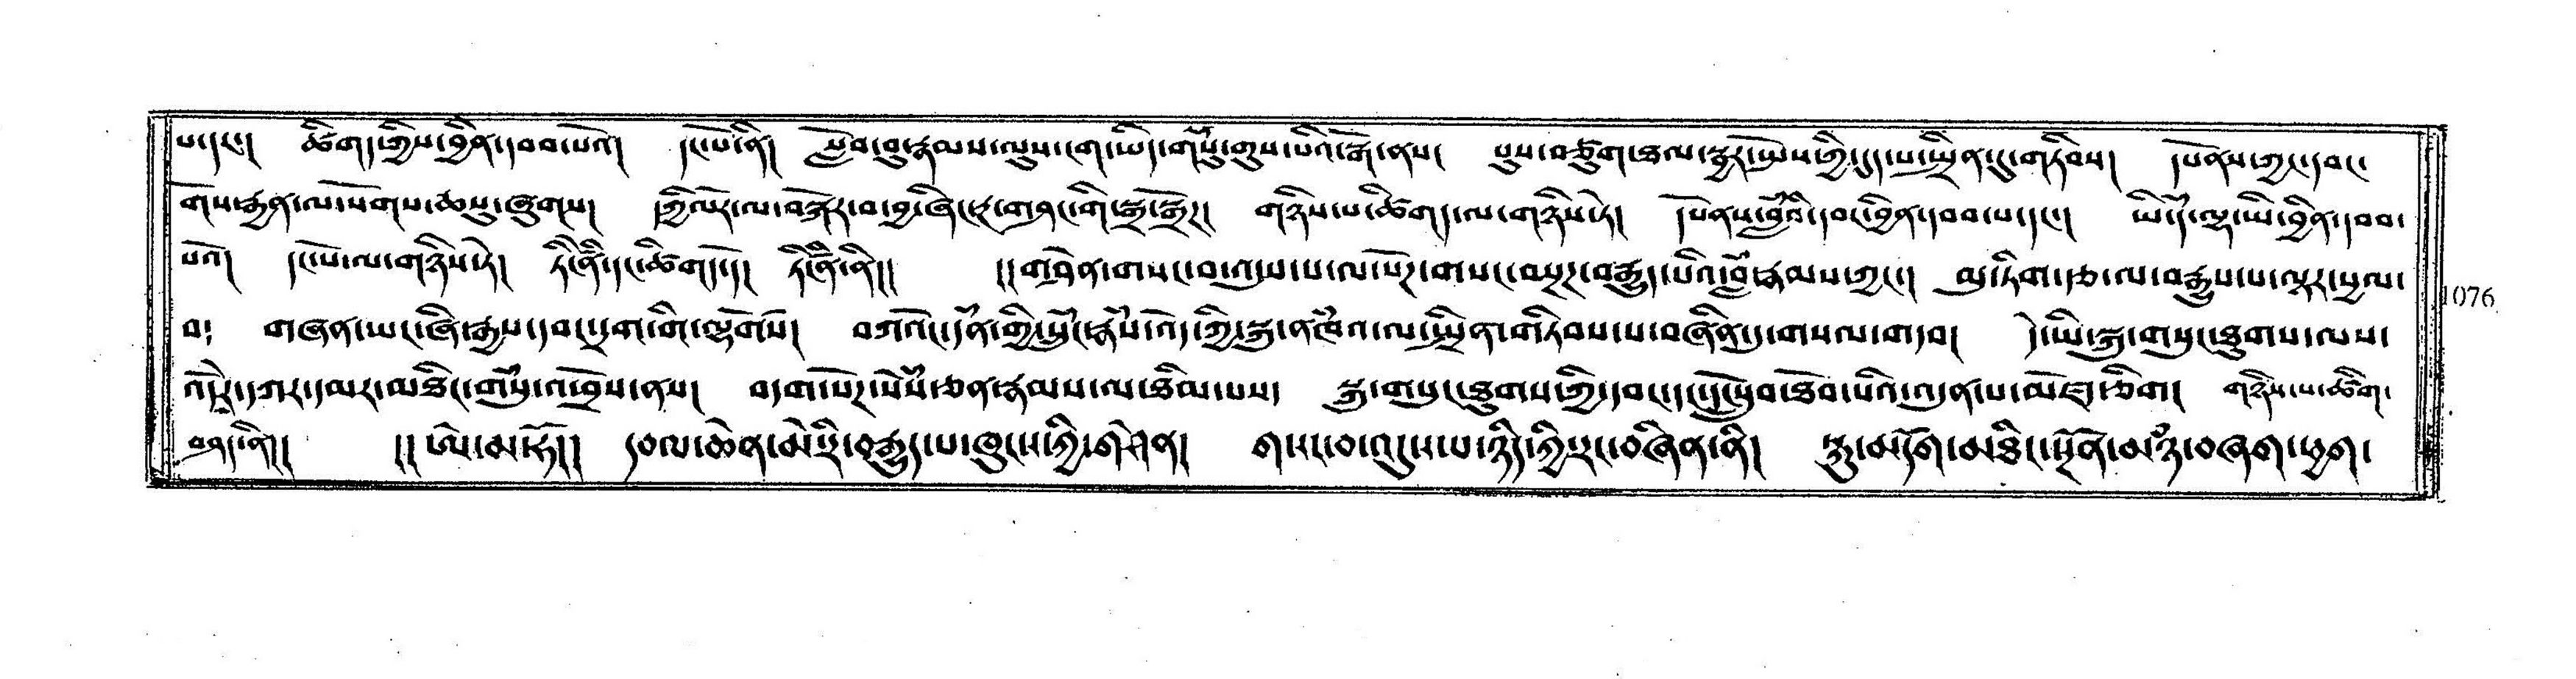པ་དང་། ཚིག་བཤད་ཀྱིས་བྱིན་དབབ་པའོ། དང་པོ་ནི། སློབ་བུ་རྣམས་ལུས་ངག་ཡིད་གསུམ་གུས་པའི་སྒོ་ནས། པུས་བཙུག་ཐལ་སྦྱར་སྤོས་ཀྱི་དུད་པ་སྤྲིན་དུ་གཏིབས། དཔོན་གསས་ཀྱང་དབང་
གོས་རྒྱན་ལ་སོགས་ཆས་སུ་ཞུགས། དཀྱིལ་འཁོར་ལ་བསྐོར་བ་བྱ་ཞིང་རྔ་གཤང་གི་སྒྲ་སྒྲོགས། གཉིས་པ་ཚིག་བཤད་ལ་གཉིས་ཏེ། དཔོན་གསས་བླ་མའི་དབང་བྱིན་དབབ་པ་དང་། ཡི་དམ་ལྷ་ཡི་བྱིན་དབབ་
པའོ། དང་པོ་ལ་གཉིས་ཏེ། ཏིང་ངེ་འཛིན་དང་ཚིག་བཤད་དོ། ཏིང་འཛིན་ནི།། །།གཤེན་གསང་བ་འདུས་པ་ལ་སོགས་གསང་སྔགས་བརྒྱུད་པའི་བླ་མ་རྣམས་ཀྱང་། མུ་ཏིག་རྩ་ལ་བརྒྱུས་པ་ལྟར་གསལ་
བ། གཞན་ཡང་ཞི་རྒྱས་དབང་དྲག་གི་ལྷ་ཚོགས། བཀའ་སྐྱོང་དམ་ཅན་གྱི་སྲུང་མ་རྣམས་འོད་ཀྱི་སྐུ་ནམ་མཁའ་ལ་སྤྲིན་གཏིབས་པ་བཞིན་དུ་གསལ་གདབ། དེ་ཡི་སྐུ་གསུང་ཐུགས་ལས་
འོད་ཟེར་དཀར་དམར་མཐིང་གསུམ་འཕྲོས་ནས། བདག་སོགས་སེམས་ཅན་རྣམས་ལ་ཐིམ་པས། སྐུ་གསུང་ཐུགས་ཀྱི་དབང་དང་དངོས་གྲུབ་ཐོབ་པའི་འདུན་པ་མཛོད་ཅིག གཉིས་པ་ཚིག་
བཤད་ནི།། །།ཨེ་མ་ཧོ།། དབལ་ཆེན་མེ་རི་བརྒྱུད་པ་ཁུངས་ཀྱི་གཤེན། གསང་བ་འདུས་པ་ཉིད་ཀྱི་རང་བཞིན་ནི། སྐུ་མདོག་མཐིང་སྔོན་མཉམ་བཞག་ཕྱག་